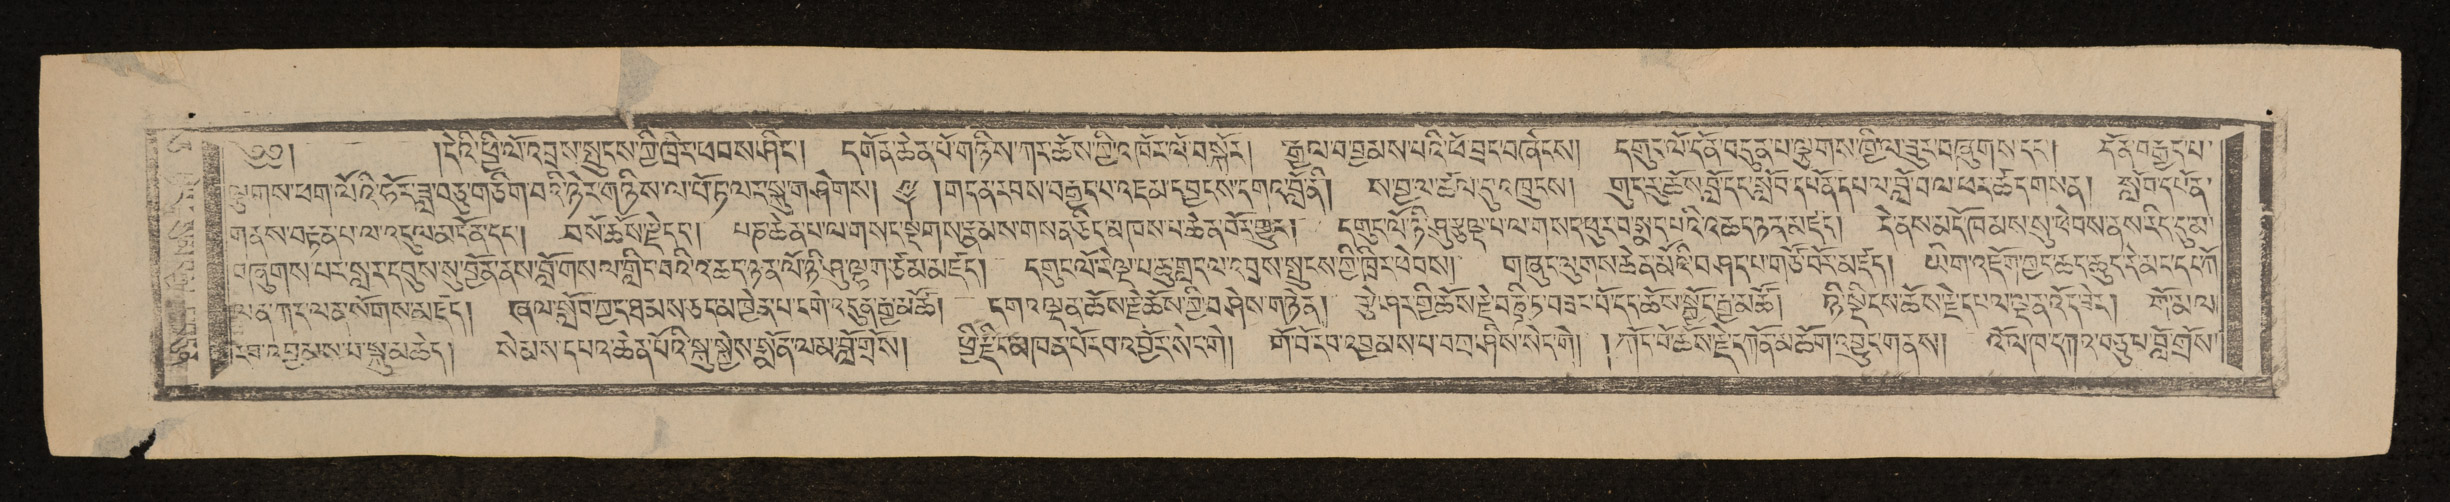༄༅། །དེའི་ཕྱི་ལོ་འབྲས་སྤུངས་ཀྱི་ཁྲིར་ཕབས་ཤིང་། དགོན་ཆེན་པོ་གཉིས་ཀར་ཆོས་ཀྱི་འཁོར་ལོ་བསྐོར། རྒྱལ་བ་བྱམས་པའི་ཕོ་བྲང་བཞེངས། དགུང་ལོ་དོན་བདུན་པ་ལྕགས་ཁྱིལ་ཟུར་བཞུགས་དང་། དོན་བརྒྱད་པ་
ལྕགས་ཕག་ལོའི་ཧོར་ཟླ་བཅུ་གཅིག་པའི་ཉེར་གཉིས་ལ་པོ་ཏ་ལར་སྐུ་གཤེགས། ༈ །གདན་རབས་བརྒྱད་པ་འཇམ་དབྱངས་དགའ་བློ་ནི། ས་བྱ་ལ་ཚལ་དུ་འཁྲུངས། སུང་རུ་ཆོས་བློ་དང་སློབ་དཔོན་དཔལ་བློ་བ་ལ་ཕར་ཚད་གསན། སློབ་དཔོན་
གནས་བརྟན་བ་ལ་འདུལ་མངོན་དང་། བ་སོ་ཆོས་རྗེ་དང་། པཎ་ཆེན་པ་ལ་གསང་སྔགས་རྣམས་གསན་ཅིང་མཁས་པ་ཆེན་པོར་གྱུར། དགུང་ལོ་ཉི་ཤུ་རྩ་ལྔ་པ་ལ་གསང་ཕུར་བ་སྨད་པའི་འཆད་ཉན་མཛད། དེ་ནས་མདོ་ཁམས་སུ་ཕེབས་ནས་རིང་དུ་མ་
བཞུགས་པར་སླར་དབུས་སུ་བྱོན་ནས་བློ་གསལ་གླིང་བའི་འཆད་ཉན་ལོ་ཉི་ཤུ་ལྷག་ཙམ་མཛད། དགུང་ལོ་རི་ལྔ་པ་ཆུ་གླང་ལ་འབྲས་སྤུངས་ཀྱི་ཁྲིར་ཕེབས། གཞུང་ལུགས་ཆེན་མོའི་བཤད་པ་གཙོ་བོར་མཛད། ཡིག་འཇོག་ཀྱང་ཆང་ཆུང་རེ་མང་དང་ཀོ་
ལན་ཀར་ལན་སོགས་མཛད། ཞལ་སློབ་ཀྱང་ཐམས་ཅད་མཁྱེན་པ་དགེ་འདུན་རྒྱ་མཚོ། དགའ་ལྡན་ཆོས་རྗེ་ཆོས་ཀྱི་བཤེས་གཉེན། རྩེ་ཤར་གྱི་ཆོས་རྗེ་པཎྜི་ཏ་བཟང་པོ་དང་ཆོས་སྐྱོང་རྒྱ་མཚོ། ཉི་སྡིངས་ཆོས་རྗེ་དཔལ་ལྡན་འོད་ཟེར། གོ་མལ་
རབ་འབྱམས་པ་སྐུ་མཆེད། སེམས་དཔའ་ཆེན་པོའི་སྐུ་སྐྱེས་སྨོན་ལམ་བློ་གྲོས། ཕྱི་རྫིང་མཁན་པོ་རབ་འབྱོར་སེང་གེ། གོ་བོ་རབ་འབྱམས་པ་བཀྲ་ཤིས་སེང་གེ། ཀོང་པོ་ཆོས་རྗེ་དཀོན་མཆོག་འབྱུང་གནས། འོལ་ཁ་དཀའ་བཅུ་པ་བློ་གྲོས་